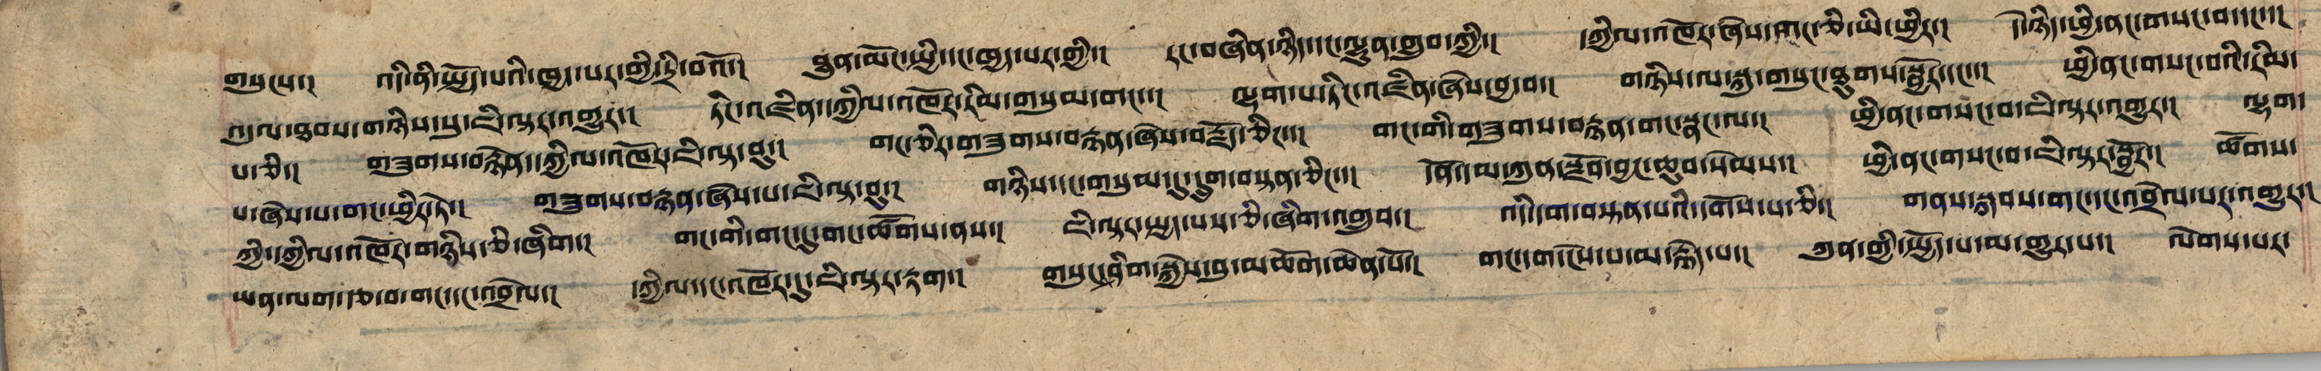གསུངས་། འདི་ནི་སྤྱོད་པའི་ཁྱད་པར་གྱི་དྲི་བའོ་། ཐུན་མོང་སྤྱི་དང་ཁྱད་པར་གྱི་། རང་བཞིན་ཉིད་དང་ལྷུན་གྲུབ་ཀྱི་། དཀྱིལ་འཁོར་ཞེས་གང་ཅི་ཡི་ཕྱིར་། དེ་ཉིད་ཕྱི་ནང་གསང་བ་དང་་།
འདུལ་ཐབས་གཉིས་སུ་ཇི་ལྟར་འགྱུར་། ཏིང་འཛིན་དཀྱིལ་འཁོར་རིམ་གསུམ་གང་་། ལྷག་པ་ཏིང་འཛིན་ཞེས་བྱ་བ་། གཉིས་ལ་སྐུ་གསུང་ཐུགས་སྦྱོར་དང་་། ཕྱི་ནང་གསང་བའི་རིམ་
པ་ཅི་། གཟུགས་བརྙེན་དཀྱིལ་འཁོར་ཇི་ལྟ་བུ་། གང་ཅིར་གཟུགས་བརྙན་ཞེས་བརྗོད་ཅིང་་། གང་གི་གཟུགས་བརྙན་གང་སྣང་ལ་། ཕྱི་ནང་གསང་བ་ཇི་ལྟར་འགྱུར་། ལྷག་
པ་ཞེས་པ་གང་ཕྱིར་ཏེ་། གཟུགས་བརྙན་ཞེས་པ་ཇི་ལྟ་བུ་། གཉིས་དང་གསུམ་དུ་དྲུག་བསྟན་ཅིང་་། དོན་དམ་ཀུན་སྫོབ་བྱང་ཆུབ་སེམས་། ཕྱི་ནང་གསང་བ་ཇི་ལྟར་སྦྱོར་། ཚོགས་
ཀྱི་དཀྱིལ་འཁོར་གཉིས་ཅི་ཞིག་། གང་གི་གང་དུ་གང་ཚོགས་ནས་། ཇི་ལྟར་སྤྱད་པས་ཅི་ཞིག་འགྲུབ་། འདི་དག་བསྟན་པའི་དགོས་པ་ཅི་། གནས་སྐབས་གང་དང་འབྲེལ་པར་འགྱུར་།
ཡན་ལག་རྩ་བ་གང་དང་འབྲེལ་། དཀྱིལ་དང་འཁོར་དུ་ཇི་ལྟར་རྟག་། གསུང་ཤིག་སྐྱེས་བུ་མཆོག་ཆེན་པོ་། གང་དག་ངེས་པ་མ་རྙེད་པ་། ཀུན་གྱི་སྤྱོད་པ་མ་གྱུར་པ་། ལེགས་པར་